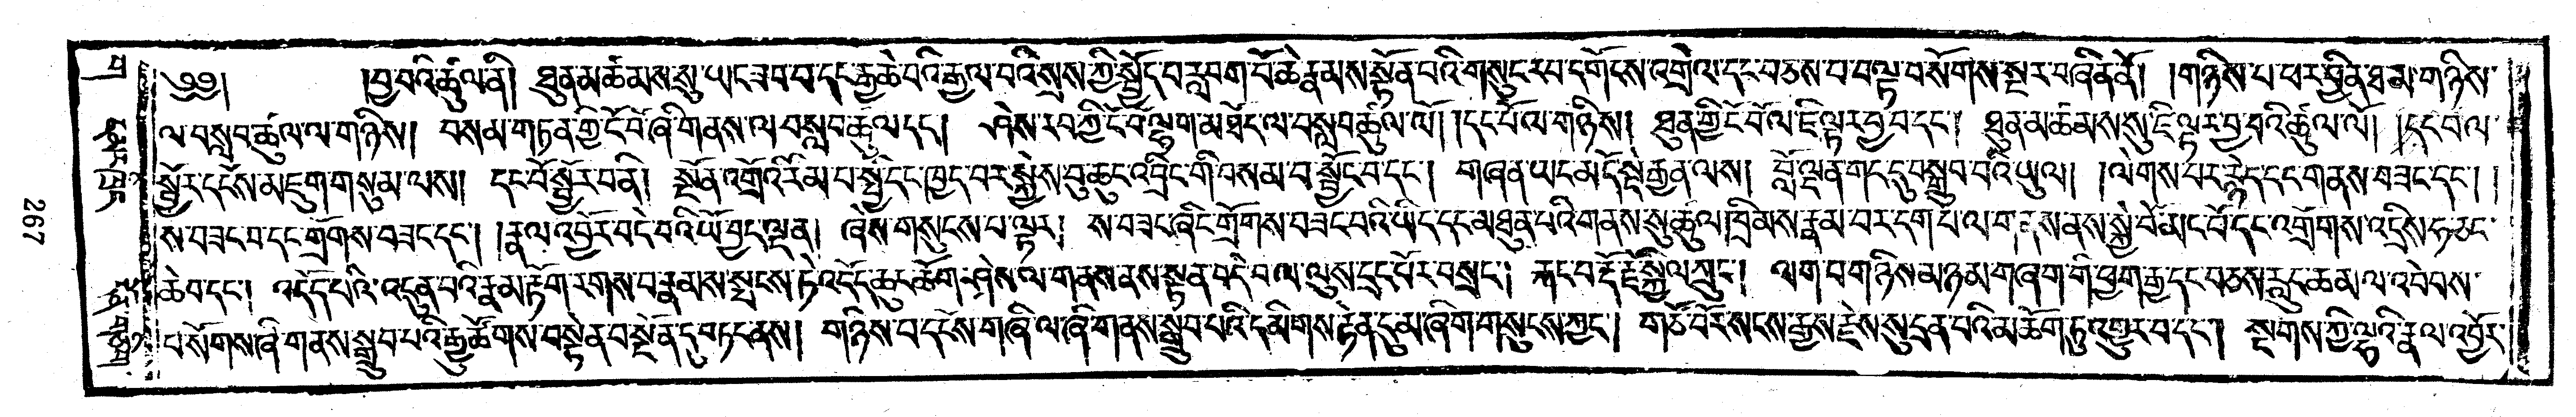༄༅། །བྱ་བའི་ཚུལ་ནི། ཐུན་མཚམས་སུ་ཡང་ཟབ་བ་དང་རྒྱ་ཆེ་བའི་རྒྱལ་བའི་སྲས་ཀྱི་སྦྱོད་བརླབ་ག་བོ་ཆེ་རྣམས་སྟོན་བའི་གསུང་རབ་དགོངས་འགྲེལ་དང་བཅས་བ་བལྟ་བ་སོགས་སྔར་བཞིན་ནོ། །གཉིས་པ་ཕར་བྱིན་ཐ་མ་གཉིས་
ལ་བསླབ་ཚུལ་ལ་གཉིས། བསམ་གཏན་གྱི་ངོ་བོ་ཞི་གནས་ལ་བསླབ་ཚུལ་དང་། ཤེས་རབ་ཀྱི་ངོ་བོ་ལྷག་མཐོད་ལ་བསླབ་ཚུལ་ལོ། །དང་པོ་ལ་གཉིས། ཐུན་གྱི་ངོ་བོ་ལ་ཇི་ལྟར་བྱ་བ་དང་། ཐུན་མཚམས་སུ་ཇི་ལྟར་བྱ་བའི་ཚུལ་ལོ། །དང་བ་ལ་
སྦྱོར་དངོས་མཇུག་གསུམ་ལས། དང་བོ་སྦྱོར་བ་ནི། སྔོན་འགྲོའི་རིམ་པ་སྦྱི་དང་ཁྱད་བར་སྐྱེས་བུ་ཆུང་འབྲིང་གི་བསམ་བ་སྦྱོང་བ་དང་། གཞན་ཡང་མདོ་སྡེ་རྒྱན་ལས། བློ་ལྡན་གང་དུ་བསྒྲུབ་བའི་ཡུལ། །ལེགས་པར་རྙེད་དང་གནས་བཟང་དང་། །
ས་བཟང་བ་དང་གྲོགས་བཟང་དང་། །རྣལ་འབྱོར་བདེ་བའི་ཡོ་བྱད་ལྡན། ཞེས་གསུངས་པ་ལྟར། ས་བཟང་ཞིང་གྲོགས་བཟང་བའི་ཡིད་དང་མཐུན་པའི་གནས་སུ་ཚུལ་ཁྲིམས་རྣམ་བར་དག་པ་ལ་གནས་ནས་སྐྱེ་བོ་མང་བོ་དང་འགྲོགས་འདྲིས་ཧ་ཅང་
ཆེ་བ་དང་། འདོད་པའི་འདུན་བའི་རྣམ་རྟོག་རགས་བ་རྣམས་སྤངས་ཏེ་འདོད་ཆུང་ཆོག་ཤེས་ལ་གནས་ནས་སྟན་བདེ་བ་ལ་ལུས་དྲང་པོར་བསྲང༑ རྐང་བ་རྡོ་རྗེ་སྐྱིལ་ཀྲུང་། ལག་བ་གཉིས་མཉམ་གཞག་གི་ཕྱག་རྒྱ་དང་བཅས་རླུང་ཆམ་ལ་འབེབས་
པ་སོགས་ཞི་གནས་སྒྲུབ་པའི་རྒྱུ་ཚོགས་བསྟེན་བ་སྔོན་དུ་བཏང་ནས། གཉིས་བ་དངོས་གཞི་ལ་ཞིག་ནས་སྒྲུབ་པའི་དམིགས་རྟེན་དུ་མ་ཞིག་གསུངས་ཀྱང་། གཙོ་བོར་སངས་རྒྱས་རྗེས་སུ་དྲན་པའི་མཆོག་ཏུ་འགྱུར་བ་དང་། སྔགས་ཀྱི་ལྷའི་རྣལ་འབྱོར་